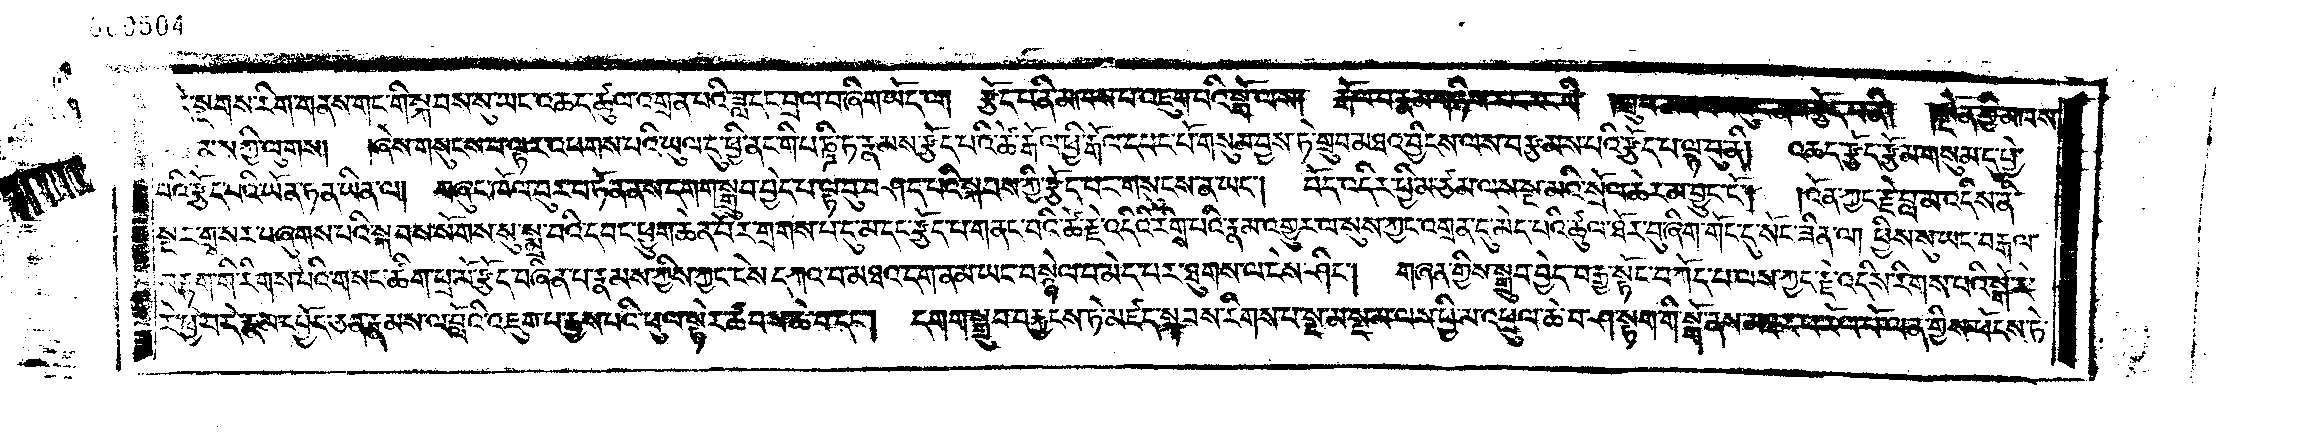མདེ་སྔགས་རིག་གནས་གང་གི་སྐབས་སུ་ཡང་འཆད་ཚུལ་འགྲན་པའི་ཟླ་དང་བྲལ་བ་ཞིག་ཡོད་ལ། རྩོད་པ་ནི་མཁས་པ་འཇུག་པའི་སྒོ་ལས། རྒོལ་བ་རྣམ་གཉིས་རང་རང་གི །གྲུབ་མཐའ་བཟུང་ནས་རྩོད་པ་ནི། །སྔོན་གྱི་མཁས་
པ་རྣམས་ཀྱི་ལུགས། །ཞེས་གསུངས་པ་ལྟར་འཕགས་པའི་ཡུལ་དུ་ཕྱི་ནང་གི་པཎྜི་ཏ་རྣམས་རྩོད་པའི་ཚེ་རྒོལ་ཕྱི་རྒོལ་དཔང་པོ་གསུམ་བྱས་ཏེ་གྲུབ་མཐའ་བྱིངས་ལས་བརྩམས་པའི་རྩོད་པ་ལྟ་བུ་ནི། འཆད་རྩོད་རྩོམ་གསུམ་དུ་ཕྱེ་
བའི་རྩོད་པའི་ཡོན་ཏན་ཡིན་ལ། གཞུང་ཁོལ་བུར་བཏོན་ནས་དགག་སྒྲུབ་བྱེད་པ་ལྟ་བུ་བཤད་པའི་སྐབས་ཀྱི་རྩོད་པར་གསུངས་ན་ཡང་། བོད་འདིར་ཕྱི་མ་ཙམ་ལས་སྔ་མའི་སྲོལ་ཆེར་མ་བྱུང་ངོ། །འོན་ཀྱང་རྗེ་བླ་མ་འདིས་ནི་
སྔར་གྲྭ་སར་བཞུགས་པའི་སྐབས་སོགས་སུ་སྨྲ་བའི་དབང་ཕྱུག་ཆེན་པོར་གྲགས་པ་དུ་མ་དང་རྩོད་པ་གནང་བའི་ཚེ་རྗེ་འདིའི་རིགས་པའི་རྣམ་འགྱུར་ལ་སུས་ཀྱང་འགྲན་དུ་མེད་པའི་ཚུལ་ཐོར་བུ་ཞིག་གོང་དུ་སོང་ཟིན་ལ། ཕྱིས་སུ་ཡང་བརྒལ་
བརྟག་གི་རིགས་པའི་གསང་ཚིག་ཕྲ་མོ་རྩོད་བཞིན་པ་རྣམས་ཀྱིས་ཀྱང་ངེས་དཀའ་བ་མཐའ་དག་ནམ་ཡང་བསྙེལ་པ་མེད་པར་ཐུགས་ལ་ངེས་ཤིང་། གཞན་གྱིས་སྒྲུབ་བྱེད་བརྒྱ་སྟོང་བཀོད་པ་ལས་ཀྱང་རྗེ་འདིས་རིགས་པའི་སྒོ་རེ་
རེ་ཕྱེ་བ་དེ་རྣམ་དཔྱོད་ཅན་རྣམས་ལ་བློའི་འཇུག་པ་རྒྱས་པའི་ཕུལ་སྟེར་ཚབས་ཆེ་བ་དང་། དགག་སྒྲུབ་བརྐྱངས་ཏེ་མཛད་སྐབས་རིགས་པ་སྔ་མ་སྔ་མ་ལས་ཕྱི་མ་འཕྲུལ་ཆེ་བ་ཤ་སྟག་གི་སྒོ་ནས་མཐར་ཕ་རོལ་པོ་ལན་གྱིས་ཕོངས་ཏེ་